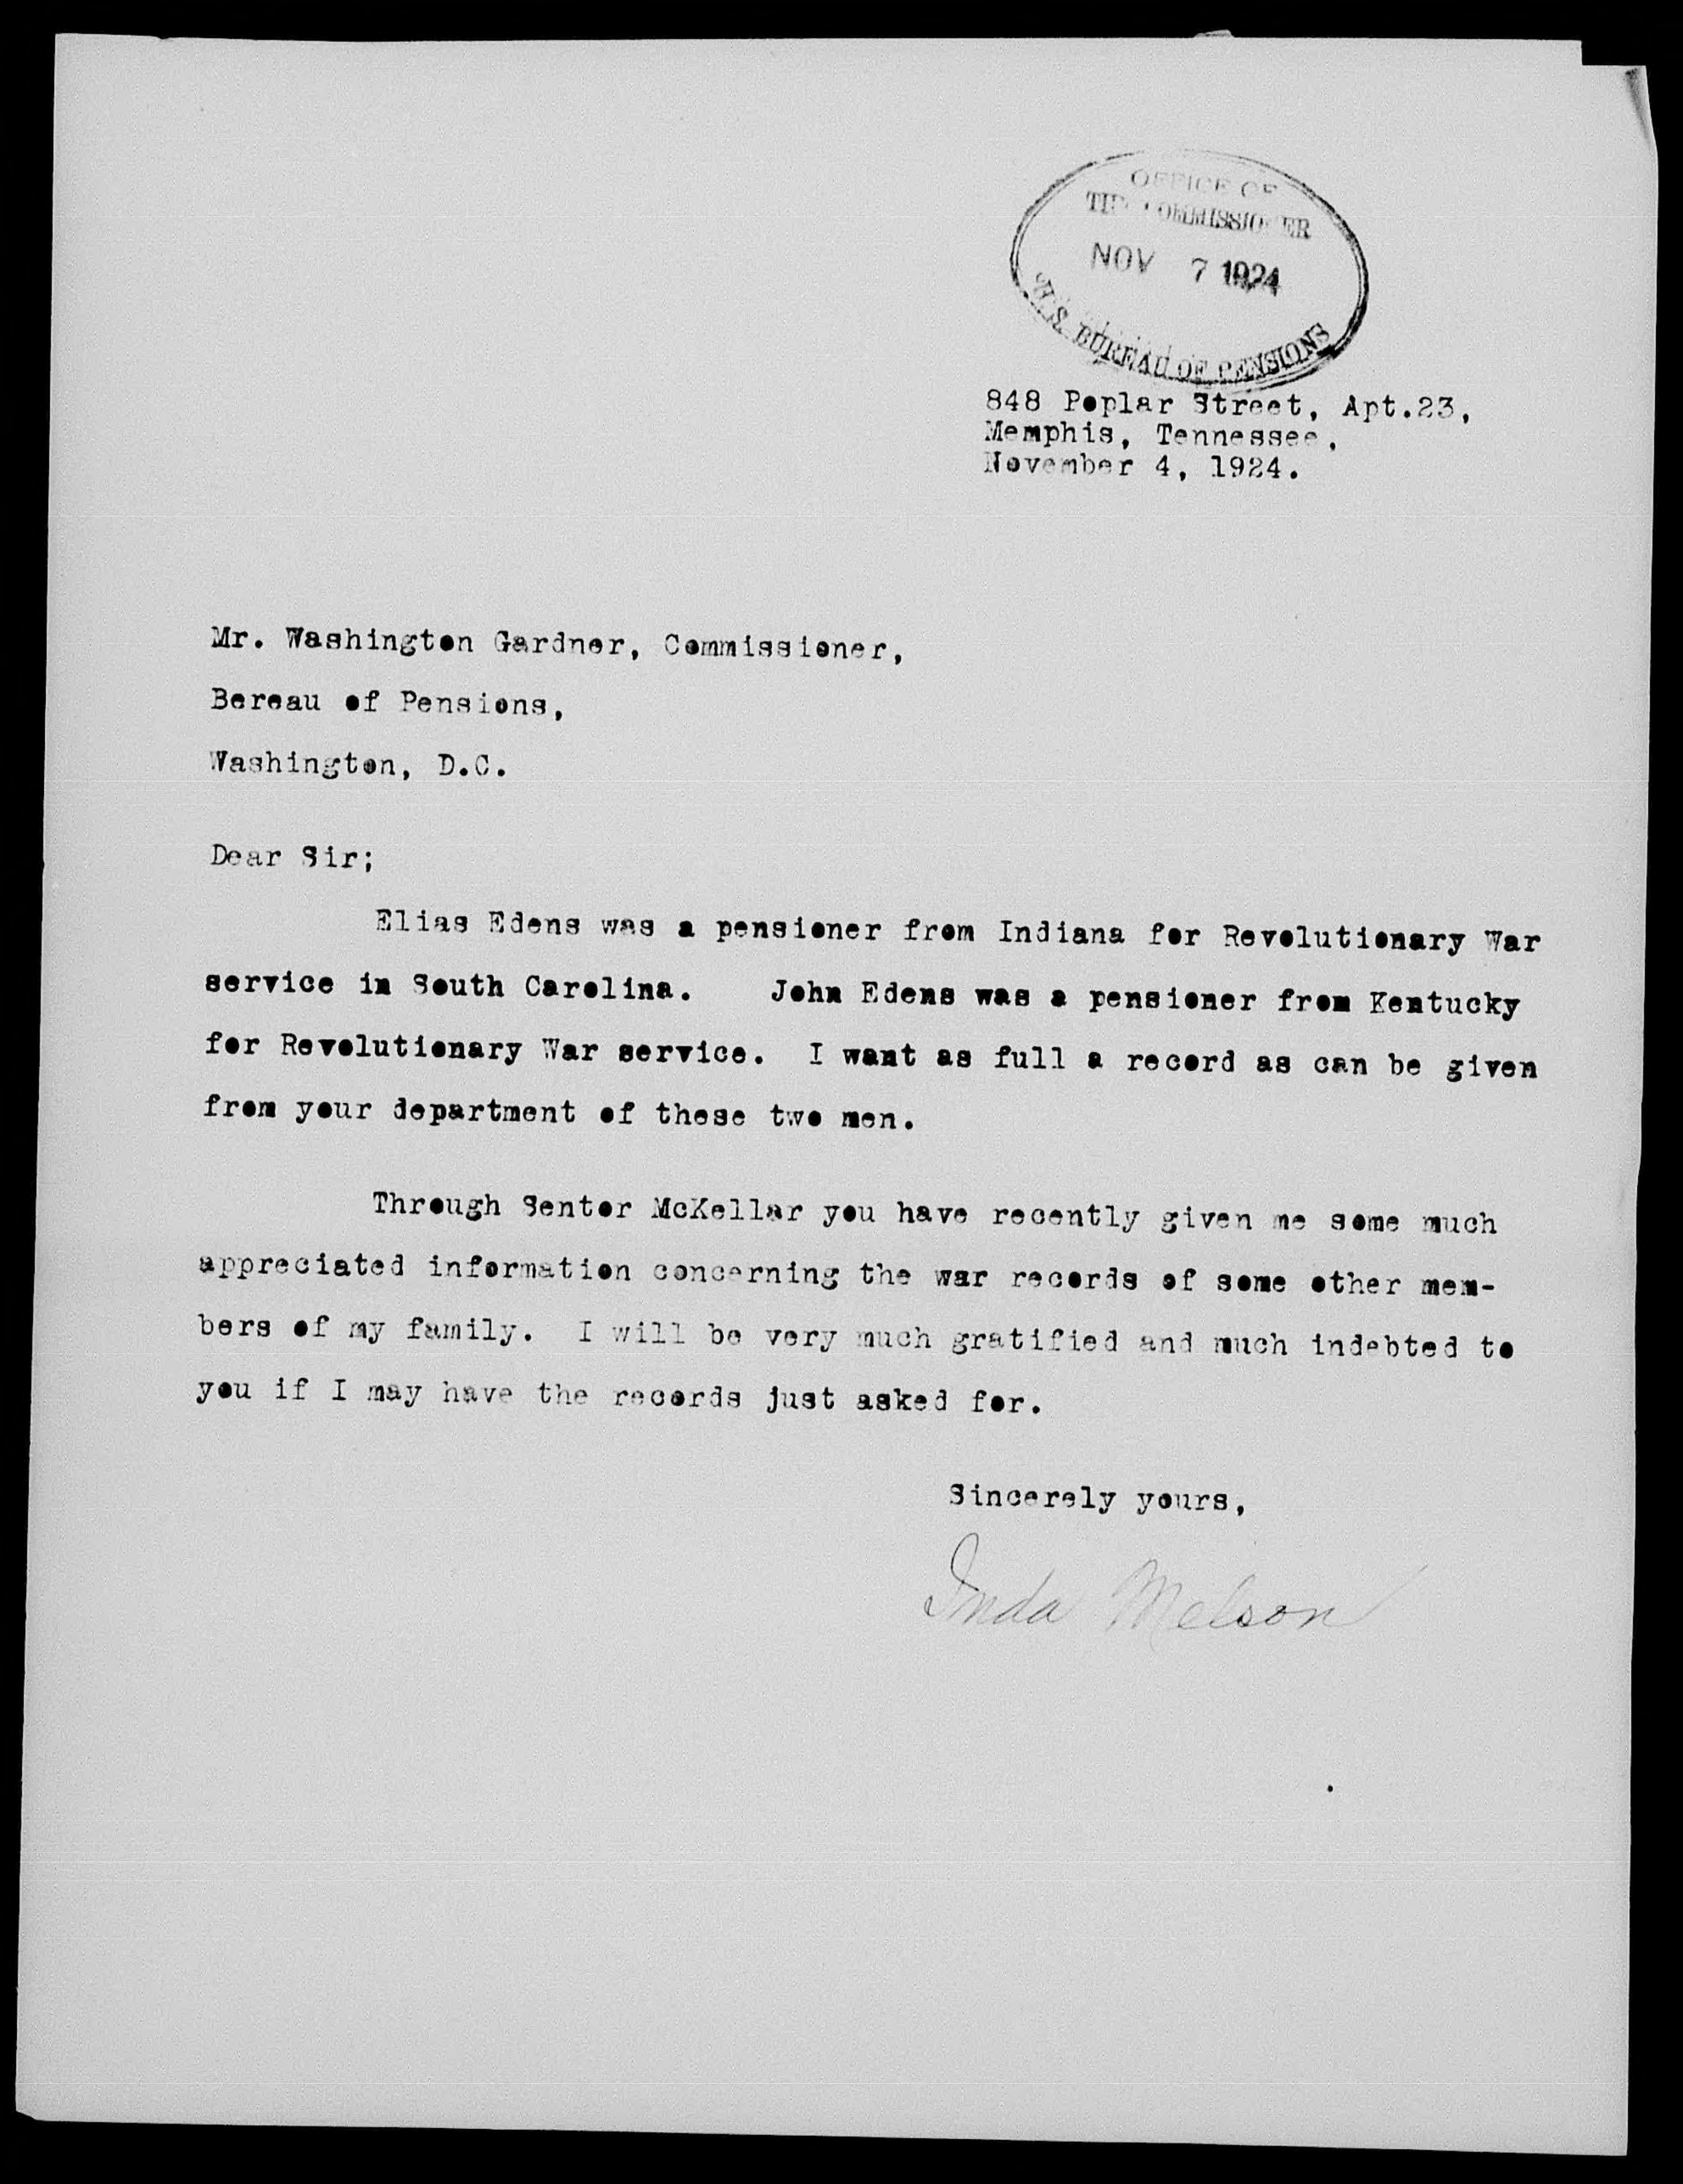[stamp]
OFFICE OF THE COMMISSIONER
NOV 7 1924
U.S. BUREAU OF PENSIONS

848 Poplar Street,
Memphis, Tennessee,
November 4, 1924.

Mr. Washington Gardner, Commissioner,
Bereau of Pensions,
Washington, D.C.

Dear Sir:
Elias Edens was a pensioner from Indiana for Revolutionary War service in South Carolina. John Edens was a pensioner from Kentucky for Revolutionary War service. I want as full a record as can be given from your department of these two men.

Through Senter McKellar you have recently given me some much appreciated information concerning the war records of some other members of my family. I will be very much gratified and much indebted to you if I may have the records just asked for.

Sincerely yours,
Inda Nelson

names: Inda Melson, John Edens, Washington Gardner, Elias Edens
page: 13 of 14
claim: survivor's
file: S 35911, John Edens, S.C.